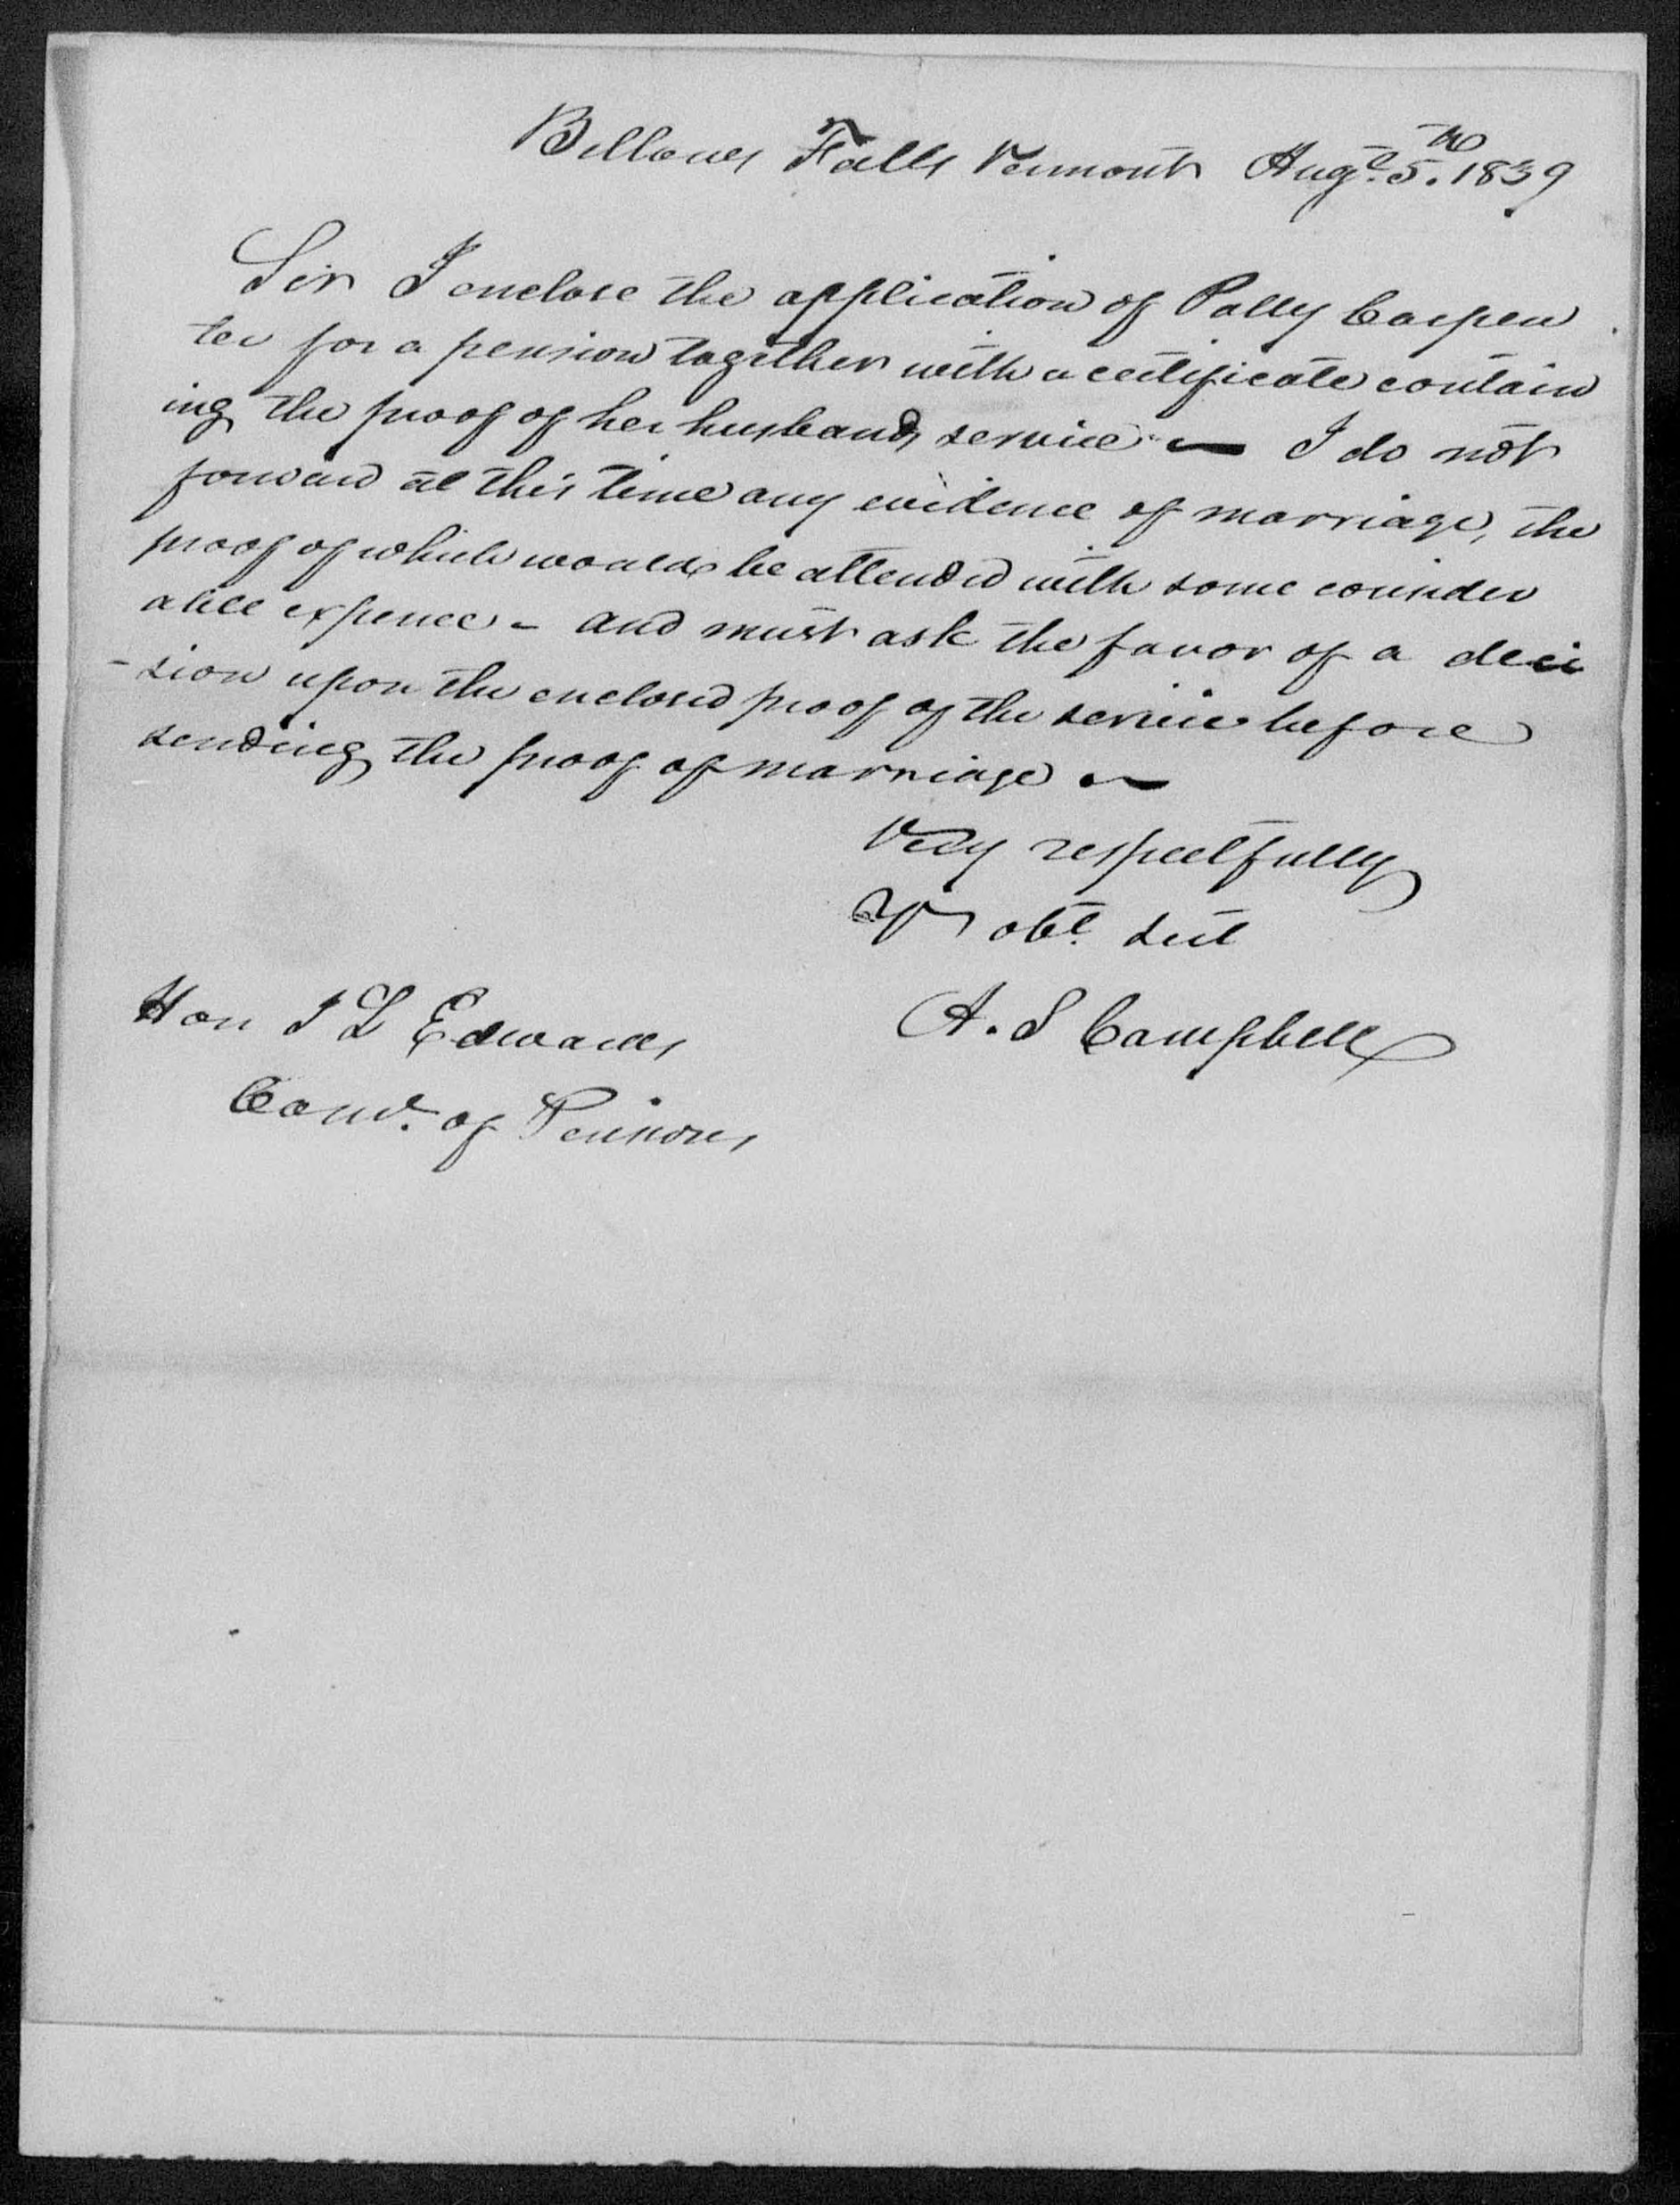Bellows Falls Vermont Aug't 5th 1839

Sir I enclose the application of Polly Carpenter for a pension together with a certificate containing the proof of her husbands service - I do not forward at this time any evidence of marriage, the proof of which would be attended with some considerable expence - and must ask the favor of a decision upon the enclosed proof of the service before sending the proof of marriage - 
Very respectfully yr obt. servt
/s/A. S. Campbell

Hon J L Edwards
Com'r of Pensions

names: Polly Carpenter, J L Edwards, A S Campbell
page: 33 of 41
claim: widow's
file: W. 15627, Timothy Carpenter, Vt.